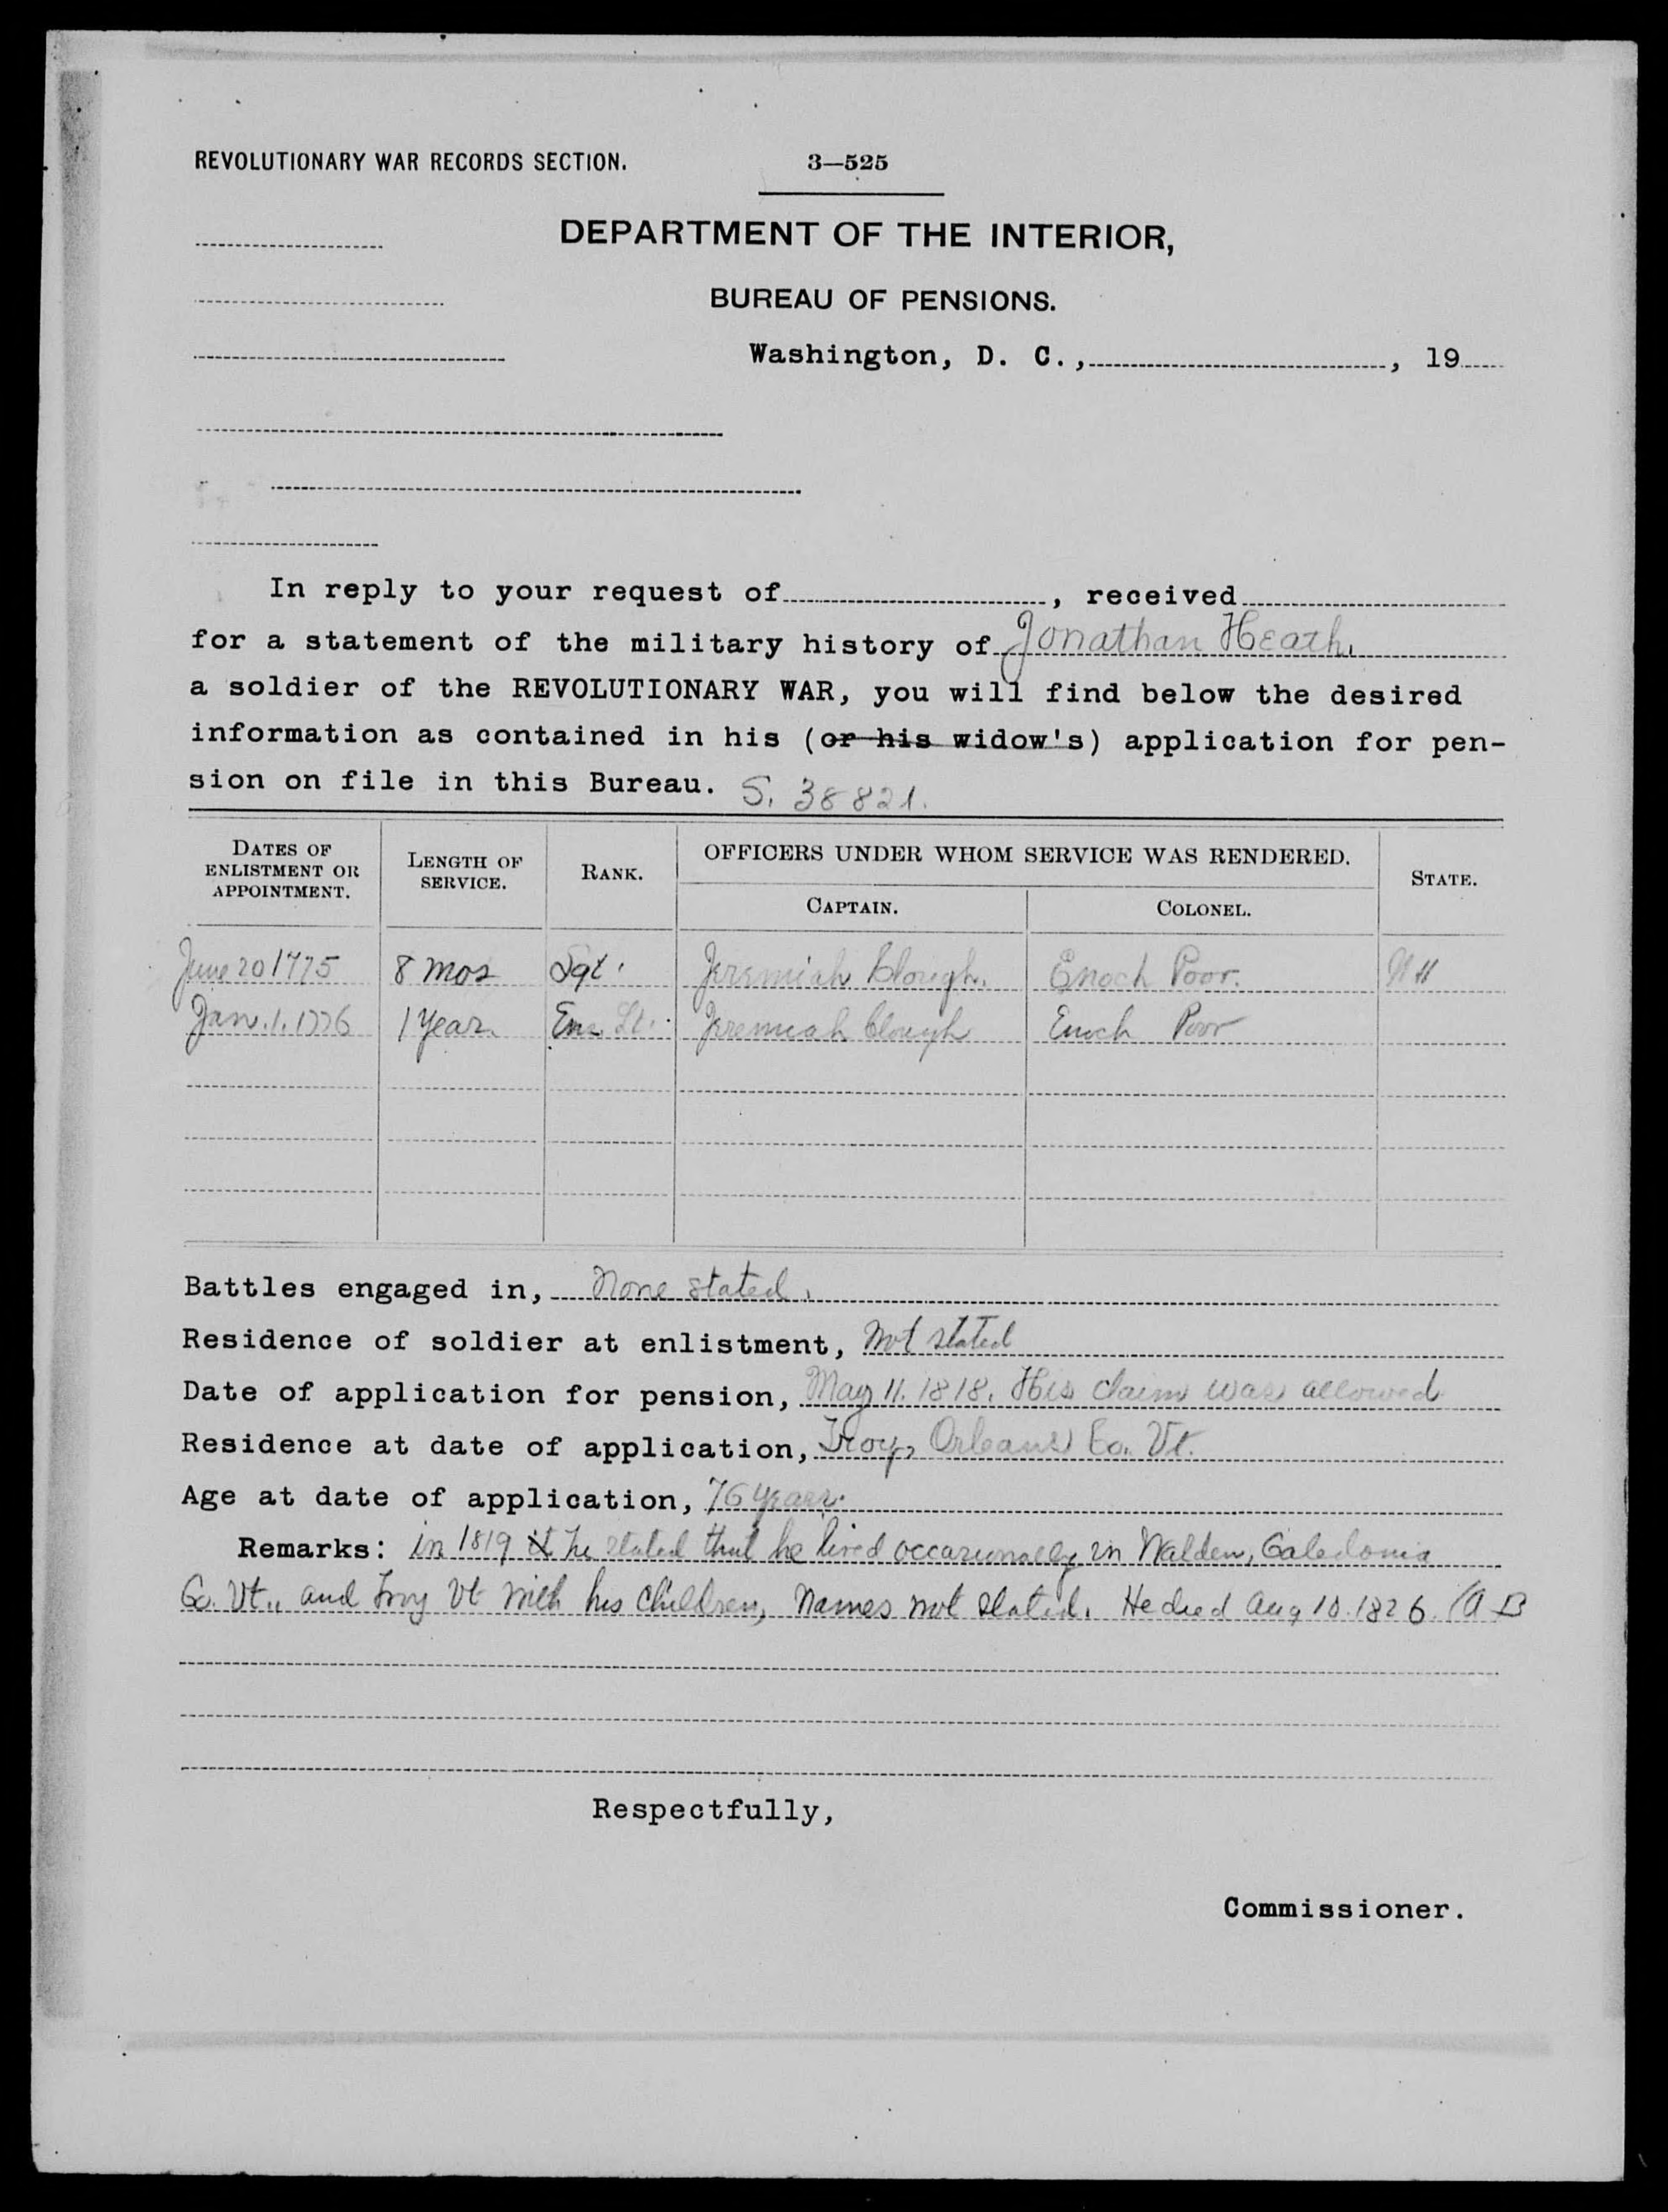REVOLUTIONARY WAR RECORDS SECTION.
3 -- 525
DEPARTMENT OF THE INTERIOR.
BUREAU OF PENSIONS.
Washington, D. C.,............................19

In reply to your request of...........received.......or a statement of the military history of Jonathan Heath, a soldier of the REVOLUTIONARY WAR, you will find below the desired information as contained in his (or his widow's) application for pension on file in this Bureau. S. 38821.
==================================
DATES OF                   LENGTH OF SERVICE.                                                                            
ENLISTMENT OR
APPOINTMENT.
June 20 1775.                 8 MOS
Jan. 1, 1776                     1 year

RANK.
Sgt.
Ems. Lt.
OFFICERS UNDER WHOM SERVICE WAS RENDERED.
CAPTAIN.
Jeremiah Clough
Jeremiah Clough

COLONEL.
Enoch Poor.
Ench Poor

STATE.
N.H.

Battles engaged in, none stated............
Residence of soldier at enlistment,... Not stated....Date of application for pension,... 
May 11. 1818. His claim was allowed...........
Residence at date of application,...... Troy, Orland Co. Vt...........
Age at date of application,.... 76 year.....
-
Remarks: in 1819 & he stated that he lived occasionally in Walden, Caledonia
Co. Vt. and Troy Vt with his children, names not stated. He died Aug 10. 1826. A.D.
........................................................................
Respectfully,
Commissioner.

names: Enoch Poor, Jonathan Heath, Jeremiah Clough, Enoch Poor, Jeremiah Clough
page: 21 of 22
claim: survivor's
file: S. 38821, Jonathan Heath, Continental N.H.